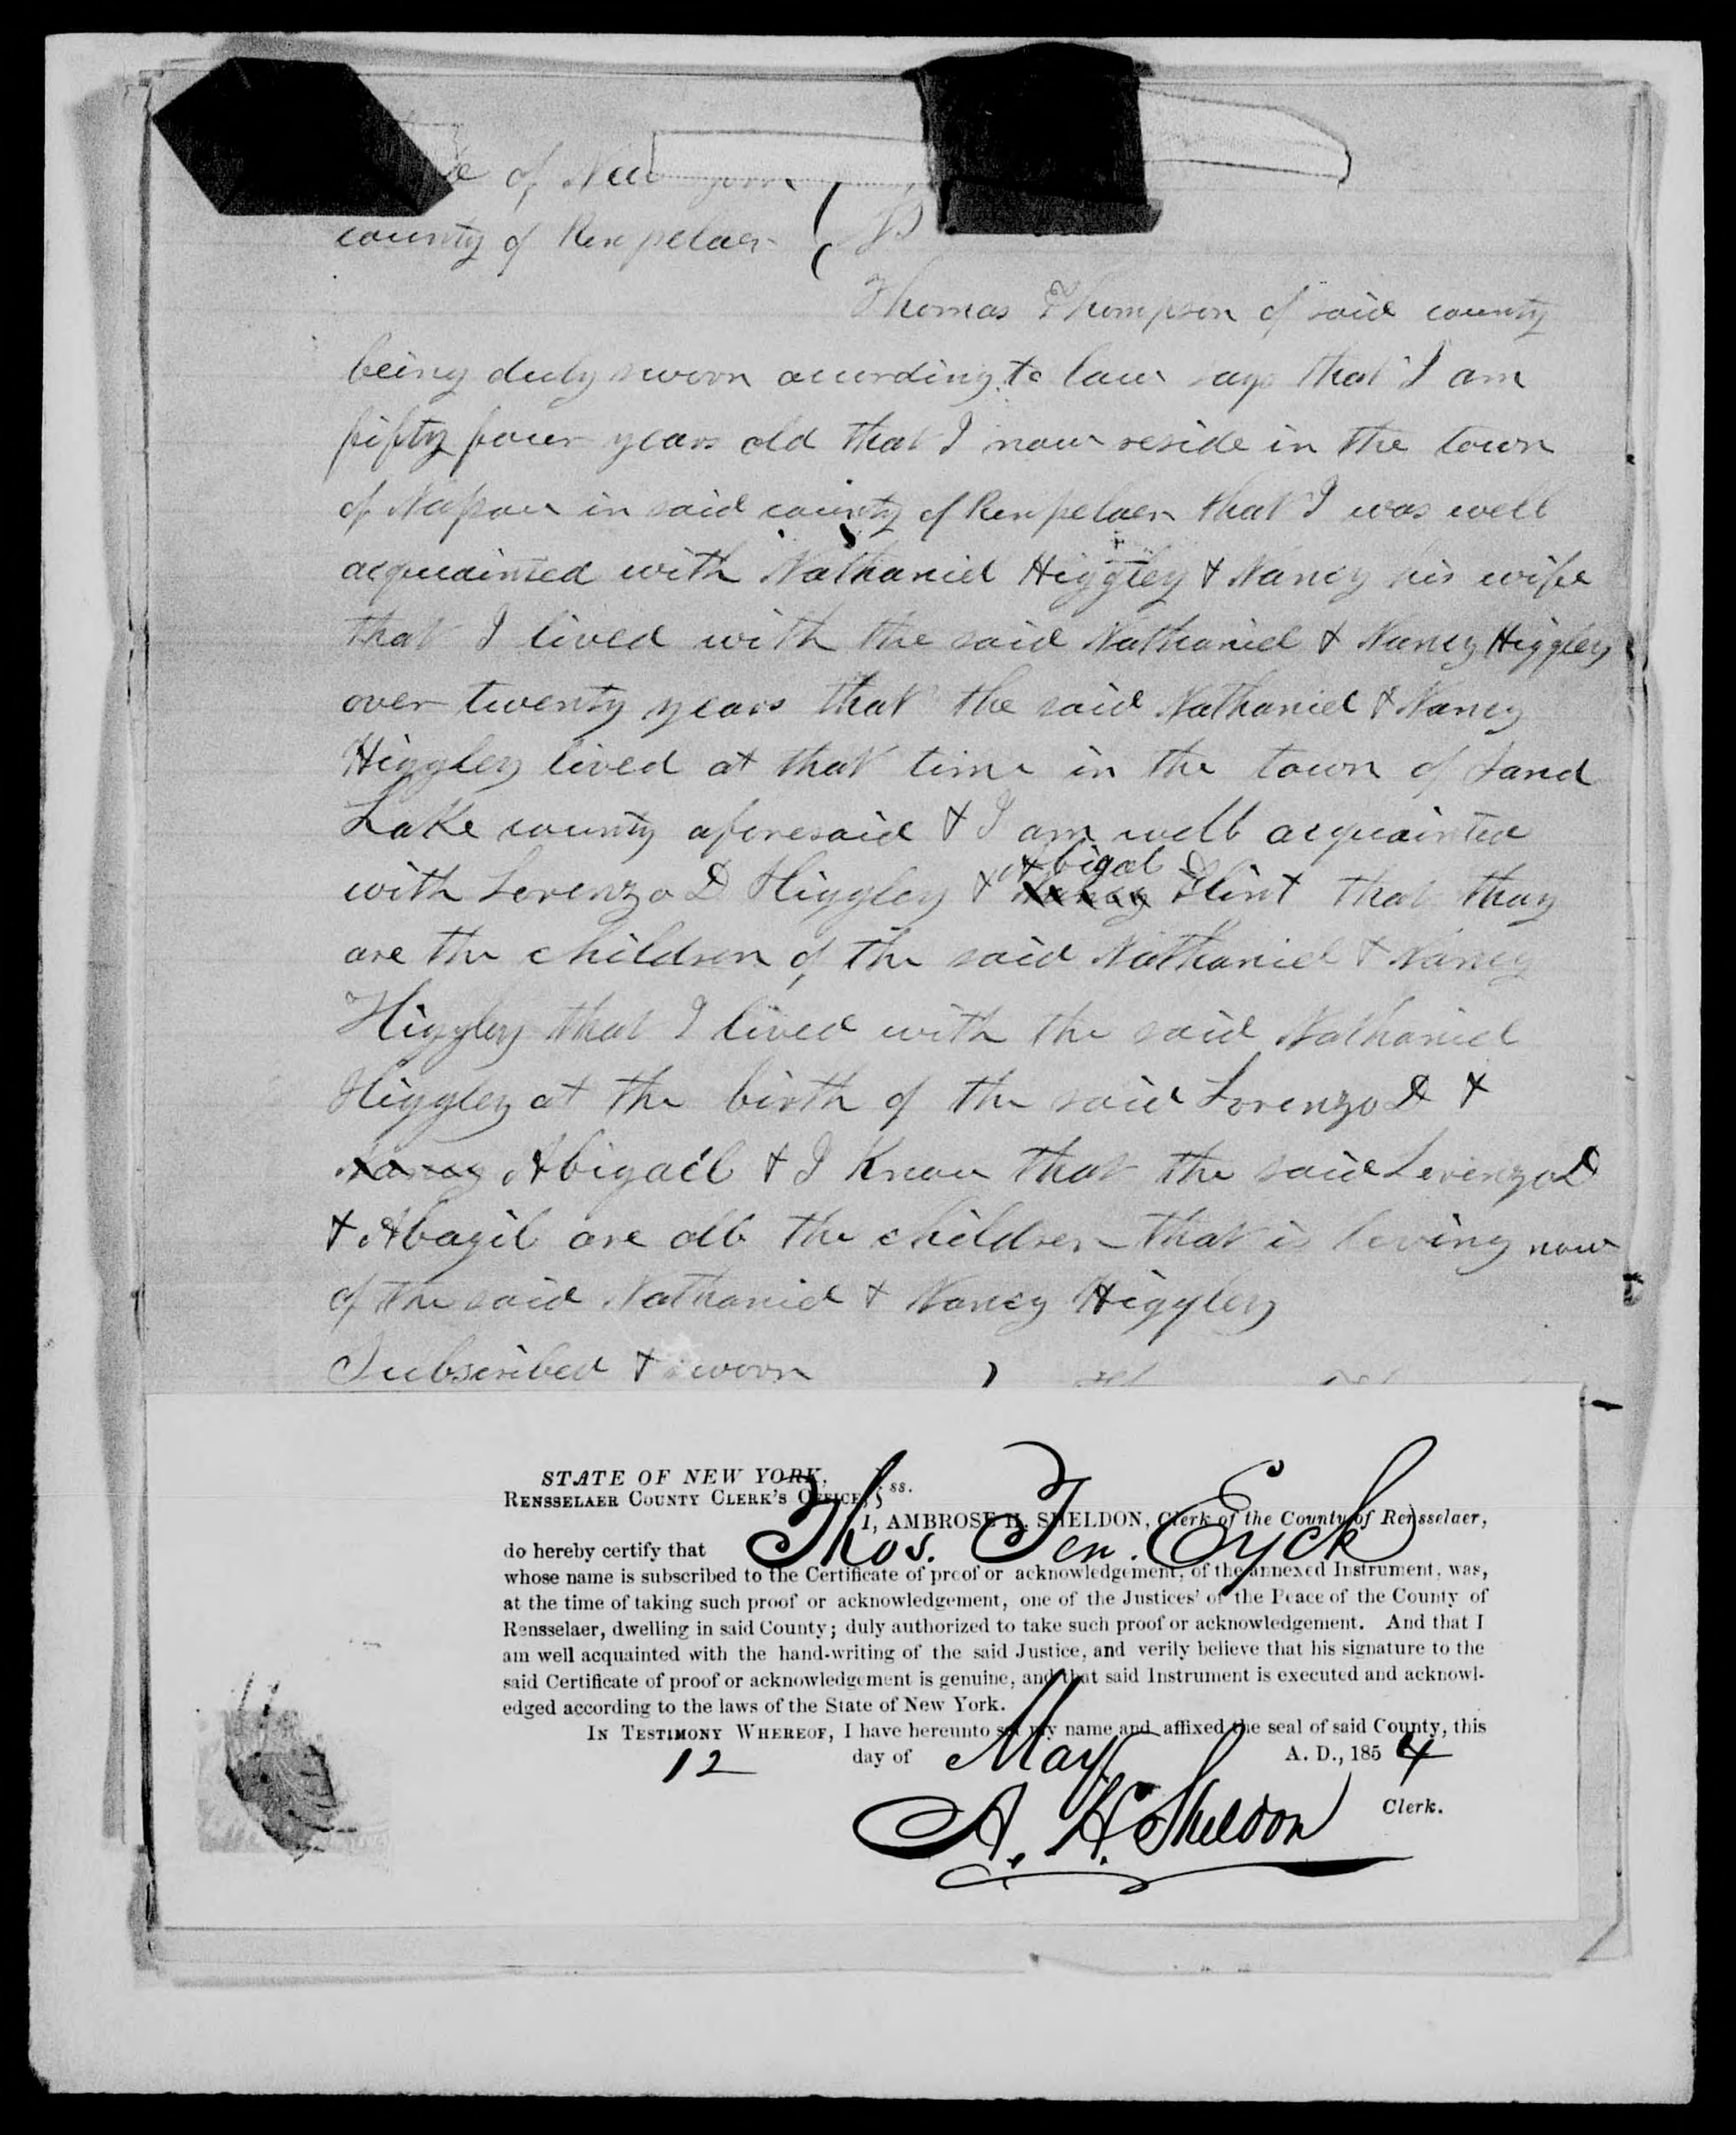[?] of New [?]
County of Rensellaer

Thomas Thompson of said county being duly sworn according to law says that I am fifty four years old that I now reside in the town of Napier in said county of Rensellaer that I was well acquainted with Nathaniel Higgley & Nancy his wife that I lived with the said Nathaniel & Nancy over twenty years that the said Nathaniel & Nancy Higgley lived at that time in the town of Sand Lake county aforesaid and I am well acquainted with Lorenza D. HIggley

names: A H Sheldon, Nancy Higgley, Thos Ten Eyck, Ambrose H Sheldon, Thomas Thompson, Nancy, Abigail, Nancy Higgley, Nathaniel Higgley, Abigal Flint, Nancy Higgley, Lorenzo D, Nathaniel Higgley, Nathaniel Higgley, Lorenzo D Higgley, Abagil, Nancy, Nancy Higgley, Nathaniel Higgley, Nathaniel Higgley, Nathaniel Higgley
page: 3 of 25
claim: rejected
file: R. 4972, Nathaniel Higby, Conn.